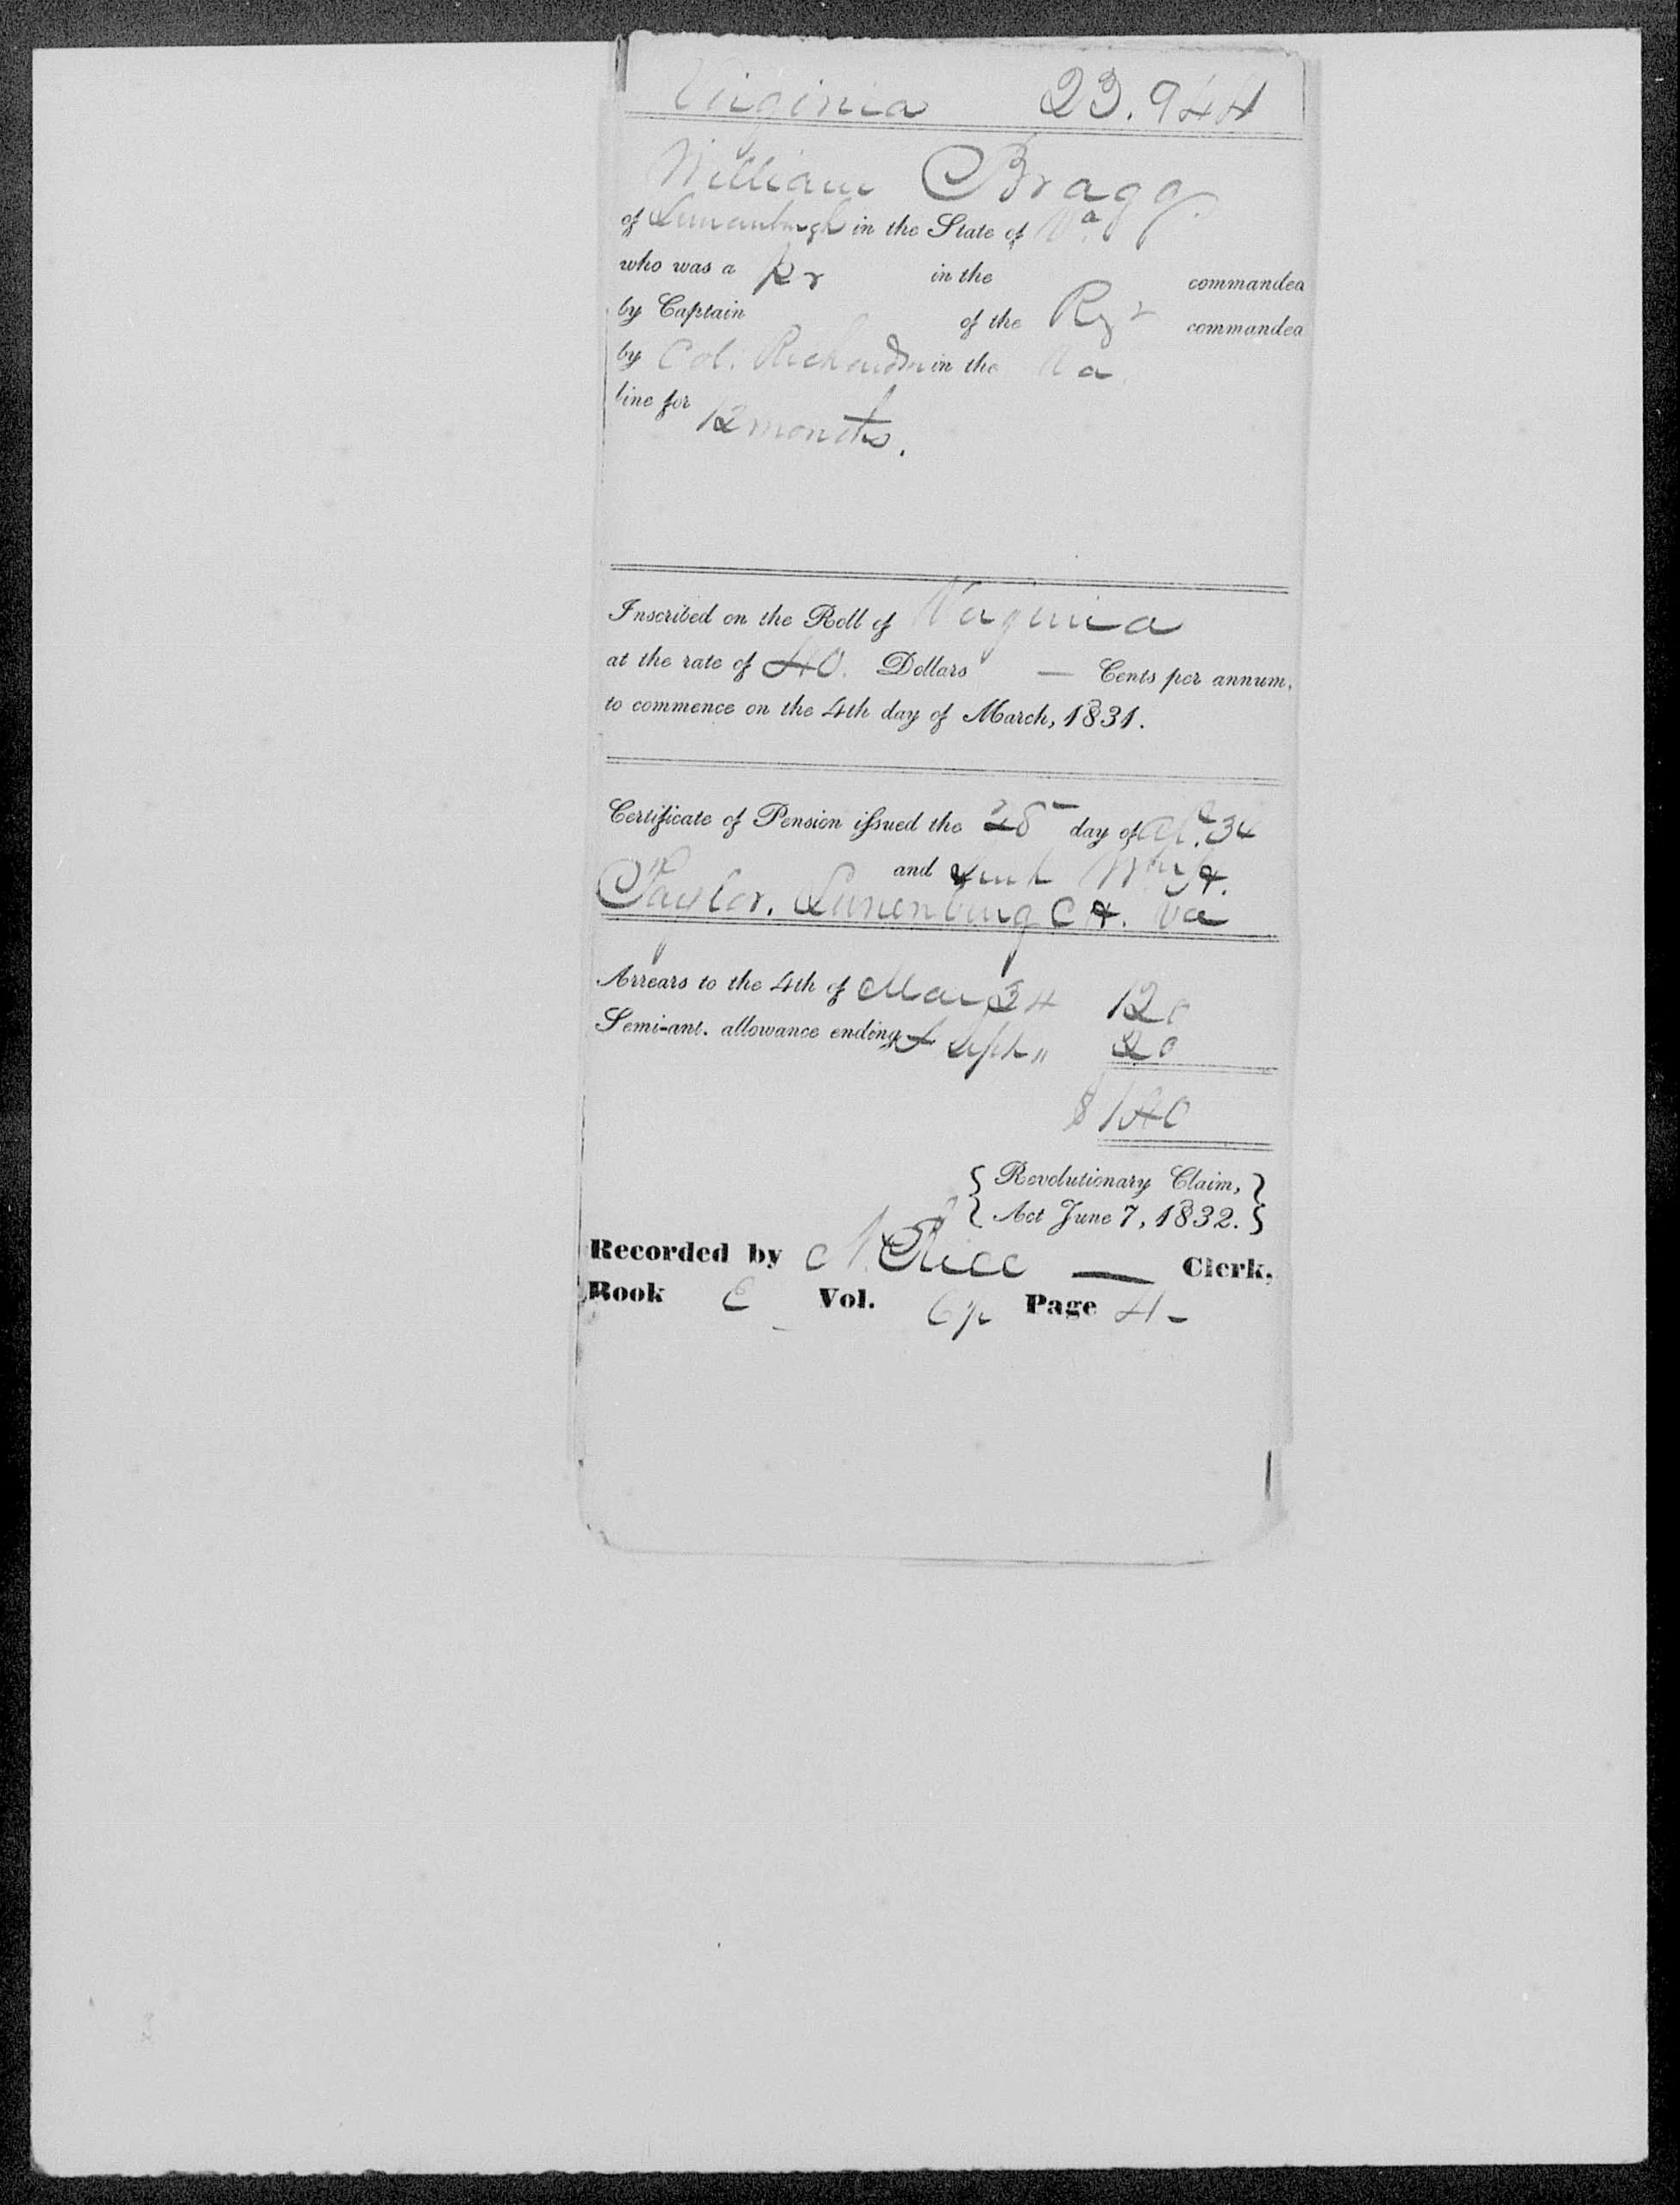[typed form, with handwritten responses]

Virginia 23.944

William Bragg
of Lunenburg [County] in the State of Va.
who was a pr [private] in the [blank] commanded by Captain [blank] of the Rgt [Regiment] commanded by Col. Richardson in the Va. line for 12 months

Inscribed on the Roll of Virginia
at the rate of 40 Dollars - Cents per annum,
to commence on the 4th day of March 1831.

Certificate of Pension issued the 28th day of Ap.l [April] 34 and sent [to] Wm. H Taylor, Lunenburg C H Va.

Arrears to the 4th of Mar 34    120
Semi=anl. [annual] allowance ending 4 Sept. “ [1834]  20
$140

{Revolutionary Claim}
{Act June 7, 1832}

Recorded by A. Rice, Clerk
Book E Vol. 6 ½ Page 4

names: A Rice, W H Taylor, William Bragg, Richardson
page: 2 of 19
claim: widow's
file: W. 2517, William Bragg, Va.